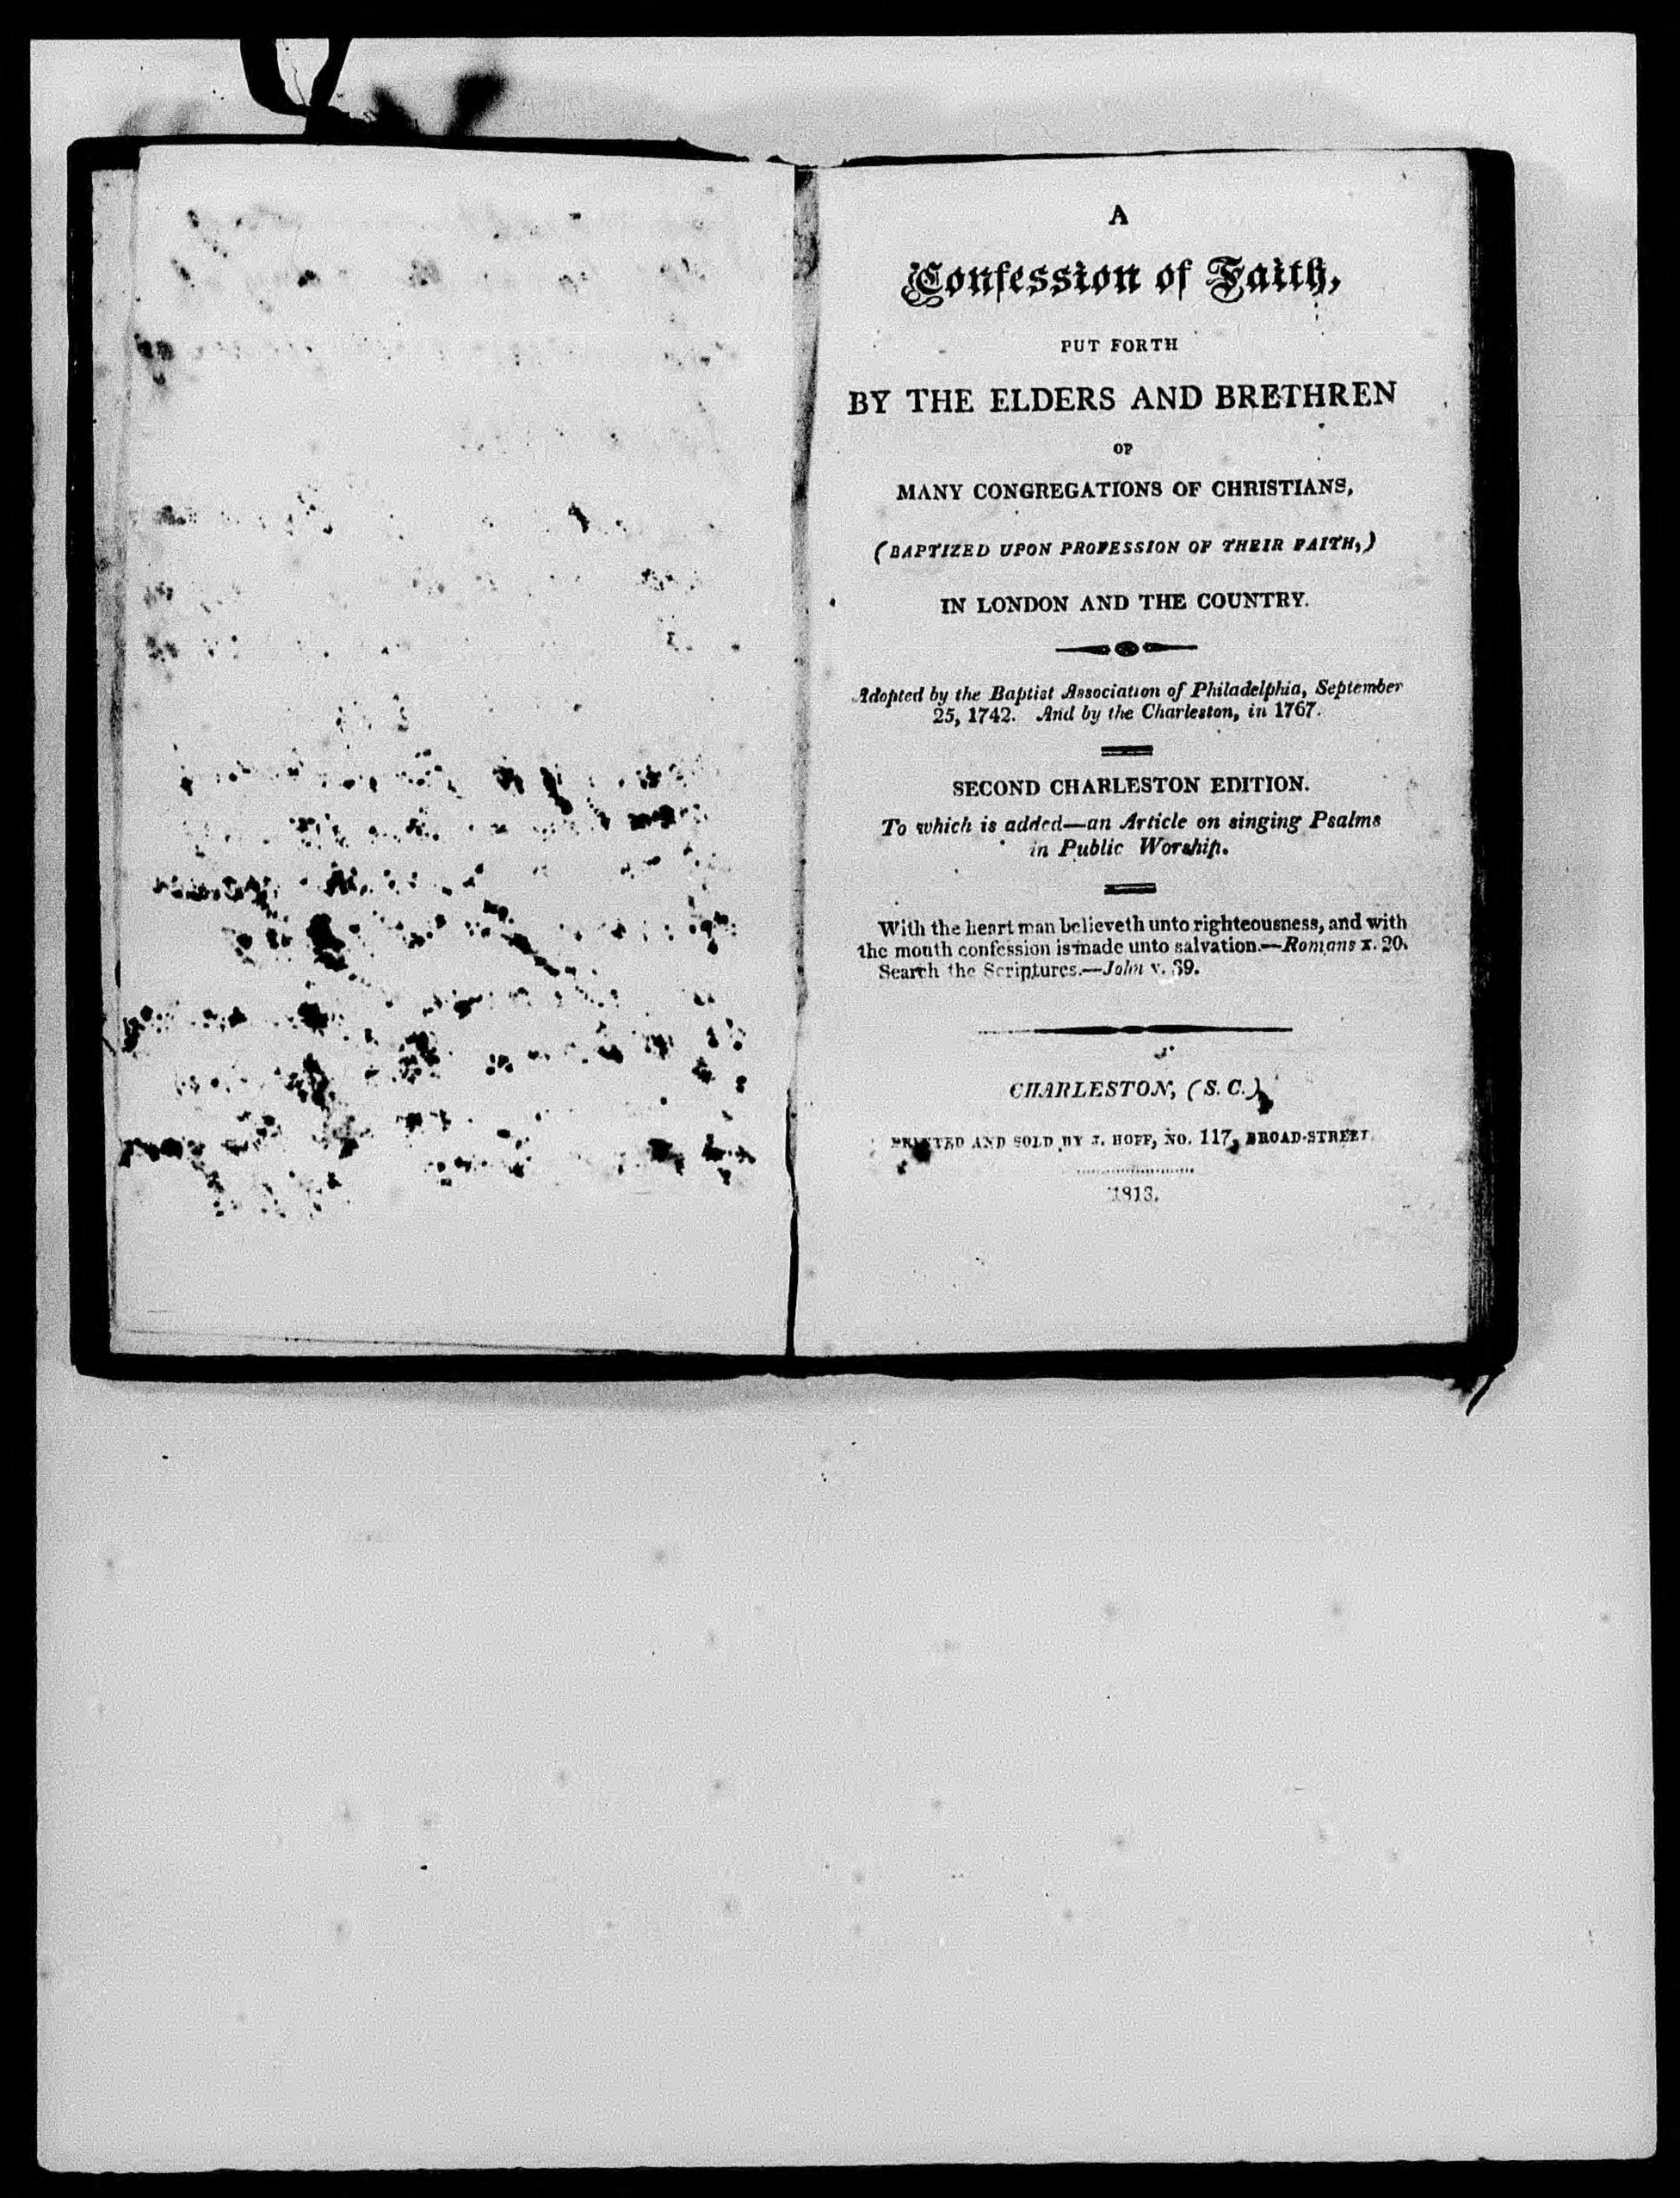A
Confession of Faith,

PUT FORTH
BY THE ELDERS AND BRETHREN

of

MANY CONGREGATIONS OF CHRISTIANS,
(BAPTIZED UPON PROFESSION OF THEIR FAITH)
IN LONDON AND THE COUNTRY.
-----●------
Adopted by the Baptist Association of Philadelphia, September
25, 1742.  And by the Charleston, in 1767.
====
SECOND CHARLESTON EDITION.
To which is added-- an Artile on singing Palms
in Public Worship.
====
With the heart man believeth unto righteousness, and with
the mouth confession is made unto salvation. -- Romans x. 20
Search the Scriptures-- John. 39.
_________________
CHARLESTON, (S.C.)
PRINTED AND SOLD BY  J. HOFF , NO. 117, BROAD-STREET
---------------------
1813.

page: 12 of 98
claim: widow's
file: W. 8398, William Broadway, S.C.